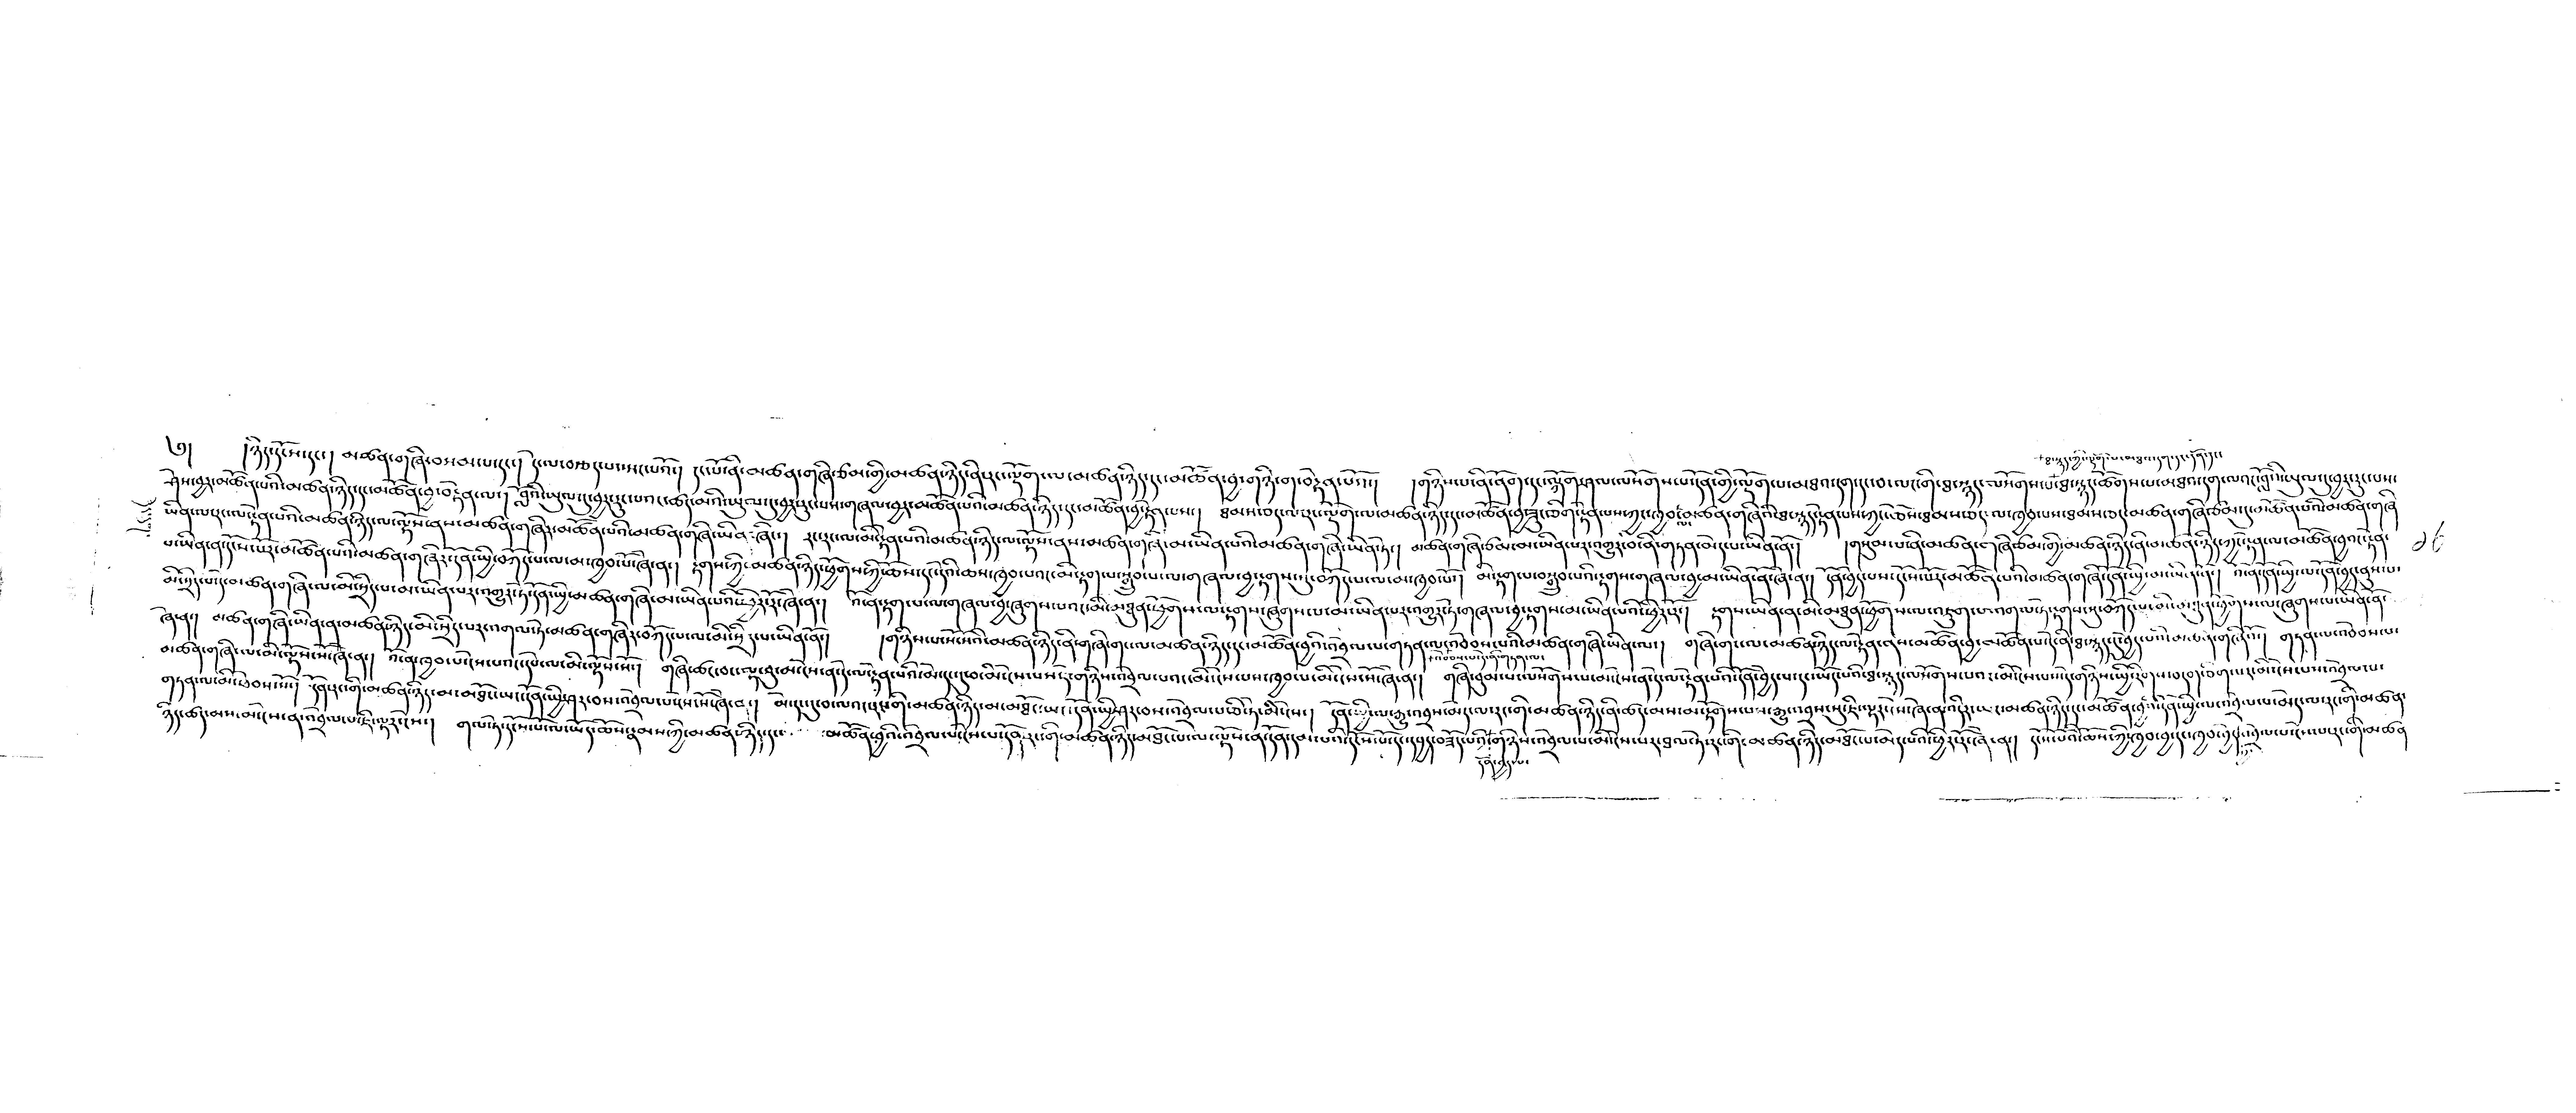༈། །ཉིད་དངོས་དང་། མཚན་གཞི་བསམ་པ་དང་། དེ་ལ་བརྩད་པ་སྤང་པའོ། དང་པོ་ནི་མཚན་གཞི་ཙམ་གྱི་མཚན་ཉིད་ནི་རང་ལྡོག་ལ་མཚན་ཉིད་དང་མཚོན་བྱ་གཉི་ག་བརྟེན་པའོ། །གཉིས་པ་ནི་ནོག་དང་ལྐོག་ཤལ་ལ་སོགས་པ་དོན་གྱི་ལྡོག་པ་མཐའ་དག་དང་བ་ལང་གི་ཐ་སྙད་ལ་སོགས་པ་ཐ་སྙད་ཀྱི་ལྡོག་པ་མཐའ་དག་དང་དོན་དང་ཐ་སྙད་ཚོགས་པ་མཐའ་དག་ལའང་བློའི་ཡུལ་དུ་བྱར་རུང་པས་
ཤེས་བྱར་མཚོན་པའི་མཚན་ཉིད་དང་མཚོན་བྱ་བརྟེན་ལ། བློའི་ཡུལ་དུ་བྱར་རུང་པའང་ཚད་མའི་ཡུལ་དུ་བྱར་རུང་པས་གཞལ་བྱར་མཚོན་པའི་མཚན་ཉིད་དང་མཚོན་བྱ་རྟེན་པས། ཐམས་ཅད་ལ་རང་ལྡོག་ལ་མཚན་ཉིད་དང་མཚོན་བྱ་ཟུང་ཅིག་རྟེན་པས་ཀྱང་ཁྱབ་ལ་མཚན་གཞིའི་ཐ་སྙད་རྟེན་པས་ཀྱང་ཆོས་ཐམས་ཅད་ལ་ཁྱབ་པས་ཐམས་ཅད་མཚན་གཞི་ཙམ་དུ་མཚོན་པའི་མཚན་གཞི་
ཡིན་ལ་རང་ལ་རྟེན་པའི་མཚན་ཉིད་ལ་ལྟོས་ནས་མཚན་གཞིར་མཚོན་པའི་མཚན་གཞི་ཡིན་ཞིང་། རང་རང་ལ་མི་རྟེན་པའི་མཚན་ཉིད་ལ་ལྟོས་ནས་མཚན་གཞི་མ་ཡིན་པའི་མཚན་གཞི་ཡིན་ཏེ། མཚན་གཞི་ཙམ་མ་ཡིན་པར་འགྱུར་བ་ནི་གཏན་མེད་པ་ཡིན་ནོ། །གསུམ་པ་ནི་མཚན་གཞི་ཙམ་གྱི་མཚན་ཉིད་ནི་མཚན་ཉིད་ཀྱང་རྟེན་ལ་མཚོན་བྱའང་རྟེན་
པ་ཡིན་ན་དངོས་པོར་མཚོན་པའི་མཚན་གཞིར་དོན་སྤྱི་བཀོད་པ་ལ་མ་ཁྱབ་པོ་ཞེ་ན། རྟགས་ཀྱི་མཚན་ཉིད་ཕྱོགས་ཀྱི་ཆོས་དང་དེའི་ཆས་ཁྱབ་པའང་མི་རྟག་པ་སྒྲུབ་པ་ལ་གཞལ་བྱ་རྟགས་དུ་བཀོད་པ་ལ་མ་ཁྱབ་པོ། མི་རྟག་པ་བསྒྲུབ་པའི་རྟགས་གཞལ་བྱ་མ་ཡིན་ནོ་ཞེ་ན། དོན་བྱེད་པས་དངོས་པོར་མཚོན་པའི་མཚན་གཞི་དོན་སྤྱི་མ་ཡིན་ནོ། འོ་ན་དོན་སྤྱི་ལ་དོན་བྱེད་ནུས་པ་
མི་སྲིད་པ་དེ་མཚན་གཞི་ལ་མི་སྲིད་པ་མ་ཡིན་པར་འགྱུར་ཏེ་དོན་སྤྱི་མཚན་གཞི་མ་ཡིན་པའི་ཕྱིར་རོ་ཞེ་ན། འོ་ན་རྟག་པ་ལ་གཞལ་བྱ་ཞུགས་པའང་མི་མཐུན་ཕྱོགས་ལ་རྟགས་ཞུགས་པ་མ་ཡིན་པར་འགྱུར་ཏེ་གཞལ་བྱ་རྟགས་མ་ཡིན་པའི་ཕྱིར་རོ། རྟགས་ཡིན་ན་མི་མཐུན་ཕྱོགས་ལ་འཇུག་པ་འགལ་ཏེ་རྟགས་སུ་བཀོད་པ་མི་མཐུན་ཕྱོགས་ལ་ཞུགས་པ་ཡིན་ནོ་
ཞེ་ན། མཚན་གཞི་ཡིན་ན་མཚན་ཉིད་མི་སྲིད་པར་འགལ་ཏེ་མཚན་གཞིར་བཀོད་པ་ལ་མི་སྲིད་པ་ཡིན་ནོ། །གཉིས་པ་སོ་སོའི་མཚན་ཉིད་ནི་གཞི་གང་ལ་མཚན་ཉིད་དང་མཚོན་བྱའི་འབྲེལ་པ་གཏན་ལ་འབེབས་པ་དེ་ནི་གཏན་ལ་འབེབས་པའི་མཚན་གཞི་ཡིན་ལ། གཞི་གང་ལ་མཚན་ཉིད་ལ་རྟེན་ནས་མཚོན་བྱ་མཚོན་པ་དེ་ནི་ཐ་སྙད་དུ་བྱེད་པའི་མཚན་གཞིའོ། གཏན་ལ་འབེབས་པ་
མཚན་གཞི་ལ་མི་ལྟོས་སོ་ཞེ་ན། འོ་ན་ཁྱབ་པ་ངེས་པའང་དཔེ་ལ་མི་ལྟོས་སོ། གཞི་ཚང་མ་ལྟ་བུ་མ་ངེས་ན་དེ་ལ་རྟེན་པའི་མེ་དང་དུ་བ་མི་ངེས་པས་དེ་གཉིས་འབྲེལ་པའང་མི་ངེས་པས་ཁྱབ་པ་མི་ངེས་སོ་ཞེ་ན། གཞི་བུམ་པ་ལ་སོགས་པ་མ་ངེས་ན་དེ་ལ་རྟེན་པའི་དོན་བྱེད་པ་དང་ཡོད་པའི་ཐ་སྙད་ལ་སོགས་པའང་མི་ངེས་པས་དེ་གཉིས་སྤྱི་རིགས་བདག་ཅིག་པར་མི་ངེས་པས་འབྲེལ་པ་
གཏན་ལ་མི་ཕེབས་སོ། དོན་རང་གི་མཚན་ཉིད་མ་མཐོང་ཡང་དོན་སྤྱི་ཤར་བས་འབྲེལ་པ་ངེས་སོ་ཞེ་ན། མེ་དང་དུ་བ་ལའང་རང་གི་མཚན་ཉིད་མ་མཐོང་ཡང་དོན་སྤྱི་ཤར་བས་འབྲེལ་པ་ཅི་ཏེ་མི་ངེས། དོན་སྤྱི་ལ་རྒྱུ་འབྲས་མེད་ལ་རང་གི་མཚན་ཉིད་ནི་ཚད་མས་མ་རྟོགས་པས་རྒྱུ་འབྲས་སུ་ཇི་ལྟར་ངེས་ཞེ་ན་འདིར་ཡང་མཚན་ཉིད་དང་མཚོན་བྱའི་དོན་སྤྱི་ལ་འབྲེལ་པ་མེད་ལ་རང་གི་མཚན་
ཉིད་ཚད་མས་མ་ངེས་ན་འབྲེལ་པ་ཇི་ལྟར་ངེས། གལ་ཏེ་དངོས་པོ་ལ་ཡོད་ཆོས་རྣམས་ཀྱི་མཚན་ཉིད་དང་མཚོན་བྱའི་འབྲེལ་པ་ངེས་པ་དོན་རང་གི་མཚན་ཉིད་མཐོང་པ་ལ་ལྟོས་ནས་དོན་དམ་པའི་དངོས་པོ་དང་དཔྱད་བཟོད་པའི་དོན་བྱེད་པ་གཉིས་འབྲེལ་པ་མི་ངེས་པར་ཐལ་ཏེ་རང་གི་མཚན་ཉིད་མཐོང་པ་མེད་པའི་ཕྱིར་རོ་ཞེ་ན། དངོས་པོའི་ཆོས་ཀྱི་ཁྱབ་བྱ་དང་ཁྱབ་བྱེད་ཀྱི་འབྲེལ་པ་ངེས་པ་རང་གི་མཚན་